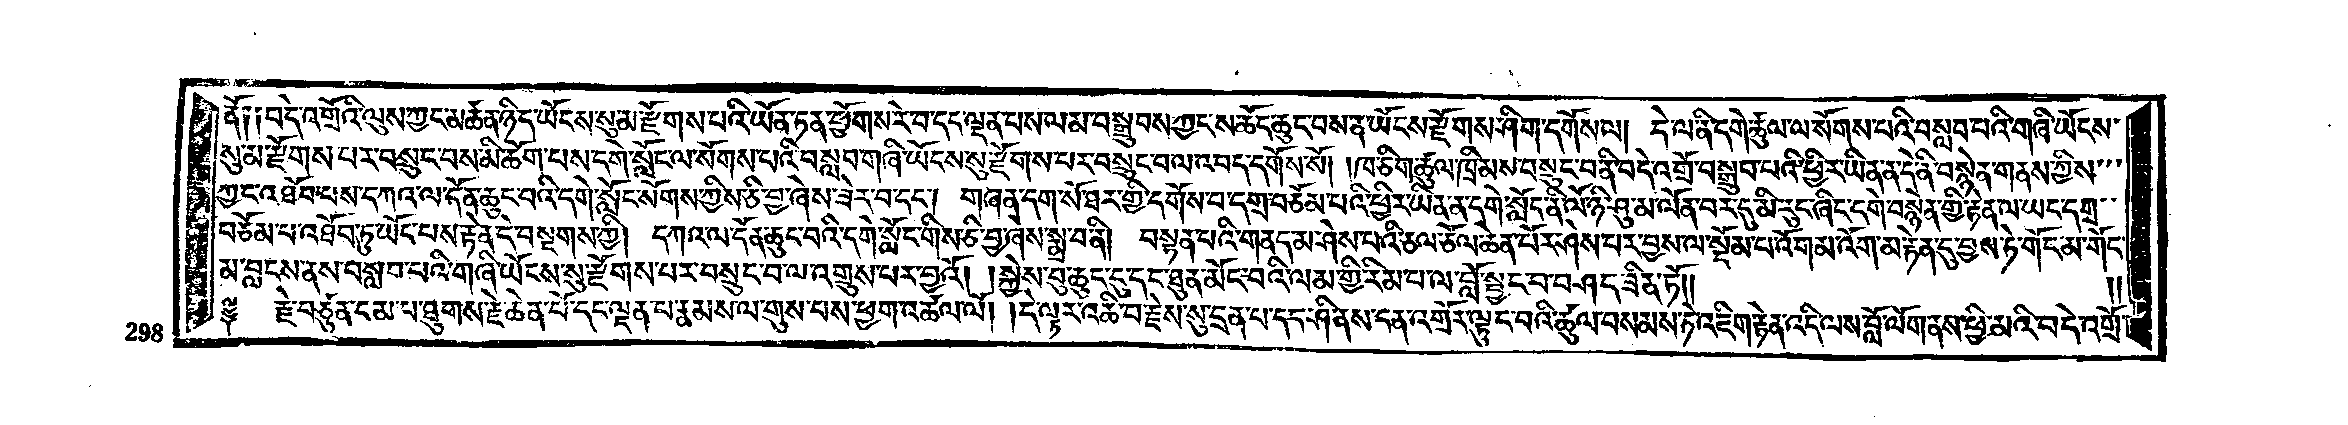ནོ༑ ༑བདེ་འགྲོའི་ལུས་ཀྱང་མཚན་ཉིད་ཡོངས་སུ་མ་རྫོགས་པའི་ཡོན་ཏན་ཕྱོགས་རེ་བ་དང་ལྡན་པས་ལམ་བསྒྲུབས་ཀྱང་ས་ཆོད་ཆུང་བས་ན་ཡོངས་རྫོགས་ཤིག་དགོས་ལ། དེ་ལ་ནི་དགེ་ཚུལ་ལ་སོགས་པའི་བསླབ་པའི་གཞི་ཡོངས་
སུ་མ་རྫོགས་པར་བསྲུང་བས་མི་ཆོག་པས་དགེ་སློང་ལ་སོགས་པའི་བསླབ་གཞི་ཡོངས་སུ་རྫོགས་པར་བསྲུང་བ་ལ་འབད་དགོས་སོ། །ཁ་ཅིག་ཚུལ་ཁྲིམས་བསྲུང་བ་ནི་བདེ་འགྲོ་བསྒྲུབ་པའི་ཕྱིར་ཡིན་ན་དེ་ནི་བསྙེན་གནས་ཀྱིས་
ཀྱང་འཐོབ་པས་དཀའ་ལ་དོན་ཆུང་བའི་དགེ་སློང་སོགས་ཀྱིས་ཅི་བྱ་ཞེས་ཟེར་བ་དང་། གཞན་དག་སོ་ཐར་གྱི་དགོས་པ་དགྲ་བཅོམ་པའི་ཕྱིར་ཡིན་ན་དགེ་སློང་ནི་ལོ་ཉི་ཤུ་མ་ལོན་བར་དུ་མི་རུང་ཞིང་དགེ་བསྙེན་གྱི་རྟེན་ལ་ཡང་དགྲ་
བཅོམ་པ་འཐོབ་ཏུ་ཡོད་པས་རྟེན་དེ་བསྔགས་ཀྱི། དཀའ་ལ་དོན་ཆུང་བའི་དགེ་སློང་གིས་ཅི་བྱ་ཞེས་སྨྲ་བ་ནི། བསྟན་པའི་གནད་མ་ཤེས་པའི་ཅལ་ཅོལ་ཆེན་པོར་ཤེས་པར་བྱས་ལ་སྡོམ་པ་འོག་མ་འོག་མ་རྟེན་དུ་བྱས་ཏེ་གོང་མ་གོང་
མ་བླངས་ནས་བསླབ་པའི་གཞི་ཡོངས་སུ་རྫོགས་པར་བསྲུང་བ་ལ་འགྲུས་པར་བྱའོ། །སྐྱེས་བུ་ཆུང་ངུ་དང་ཐུན་མོང་བའི་ལམ་གྱི་རིམ་པ་ལ་བློ་སྦྱང་བ་བཤད་ཟིན་ཏོ།། །།
༈ རྗེ་བཙུན་དམ་པ་ཐུགས་རྗེ་ཆེན་པོ་དང་ལྡན་པ་རྣམས་ལ་གུས་པས་ཕྱག་འཚལ་ལོ། །དེ་ལྟར་འཆི་བ་རྗེས་སུ་དྲན་པ་དང་ཤི་ནས་ངན་འགྲོར་ལྟུང་བའི་ཚུལ་བསམས་ཏེ་འཇིག་རྟེན་འདི་ལས་བློ་ལོག་ནས་ཕྱི་མའི་བདེ་འགྲོ་